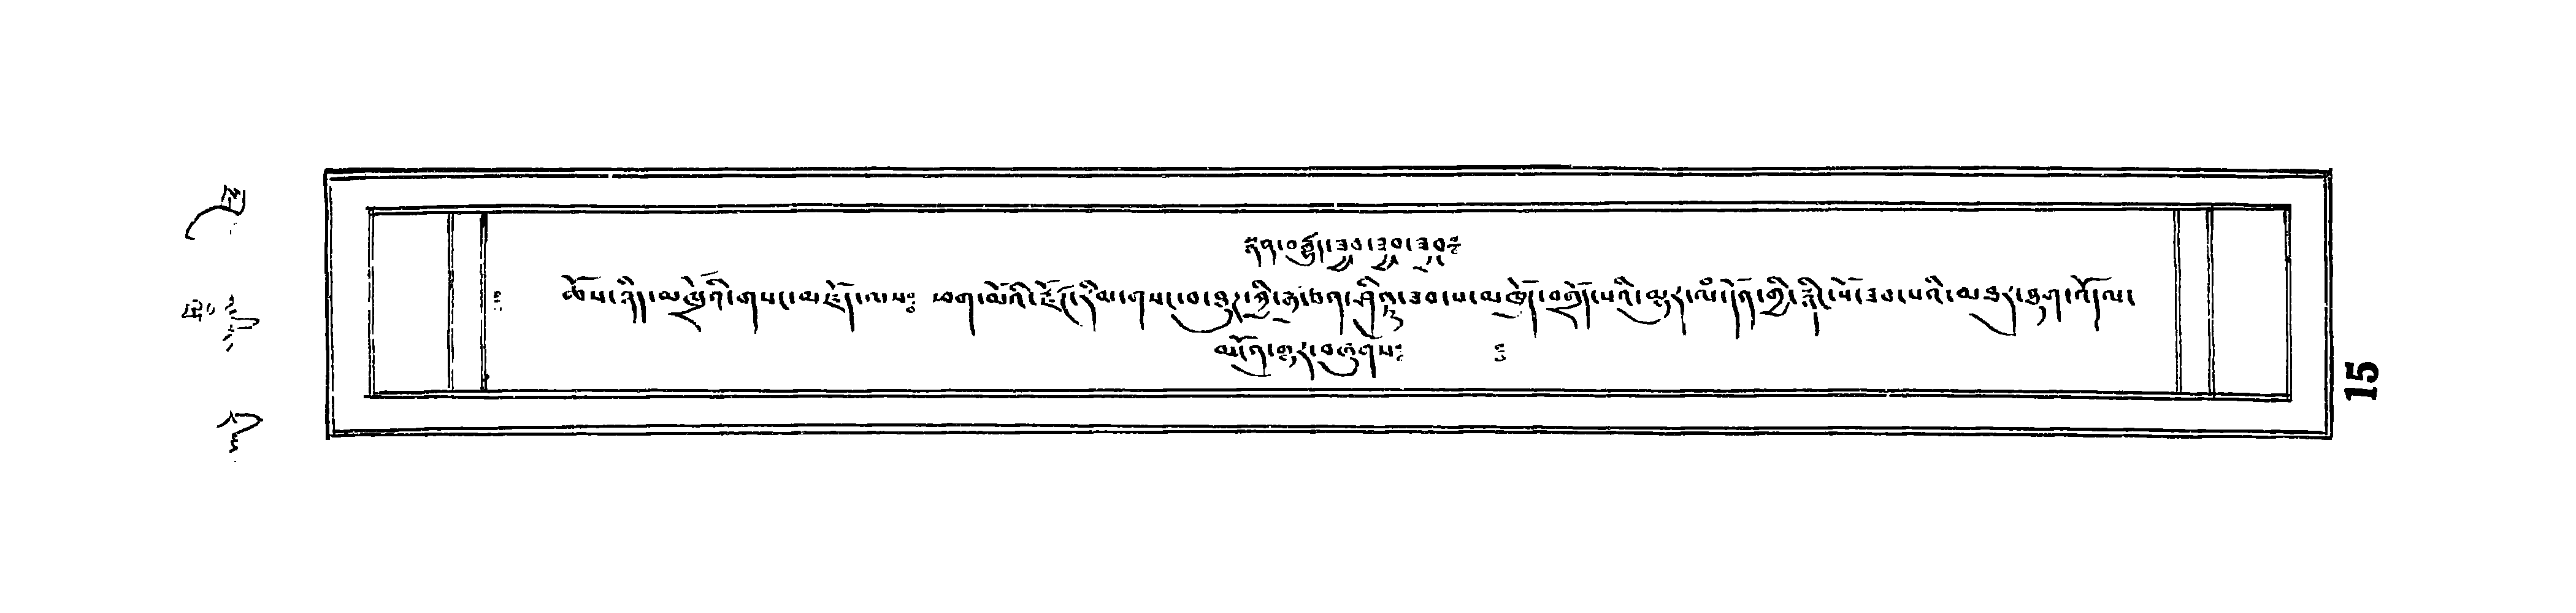སྙན་བརྒྱུད་ཟབ་རྒྱ་ཟབ་རྒྱ་ཟབ་རྒྱ༔ 
ཆོས་ཉིད་མཁའ་འགྲོའི་གསང་མཛོད་ལས༔ ཕག་མོའི་རྫོགས་རིམ་གསང་བ་ཐུགས་ཀྱི་རྒྱ་ཅན་ཤིན་ཏུ་ཟབ་པ་མཁའ་སྤྱཽད་བགྲོད་པའི་མྱུར་ལམ་དོན་གྱི་སྙིང་པོ་ཟབ་པའི་མཐར་ཐུག་འོད་གསལ་
མངོན་གྱུར་བཞུགས༔